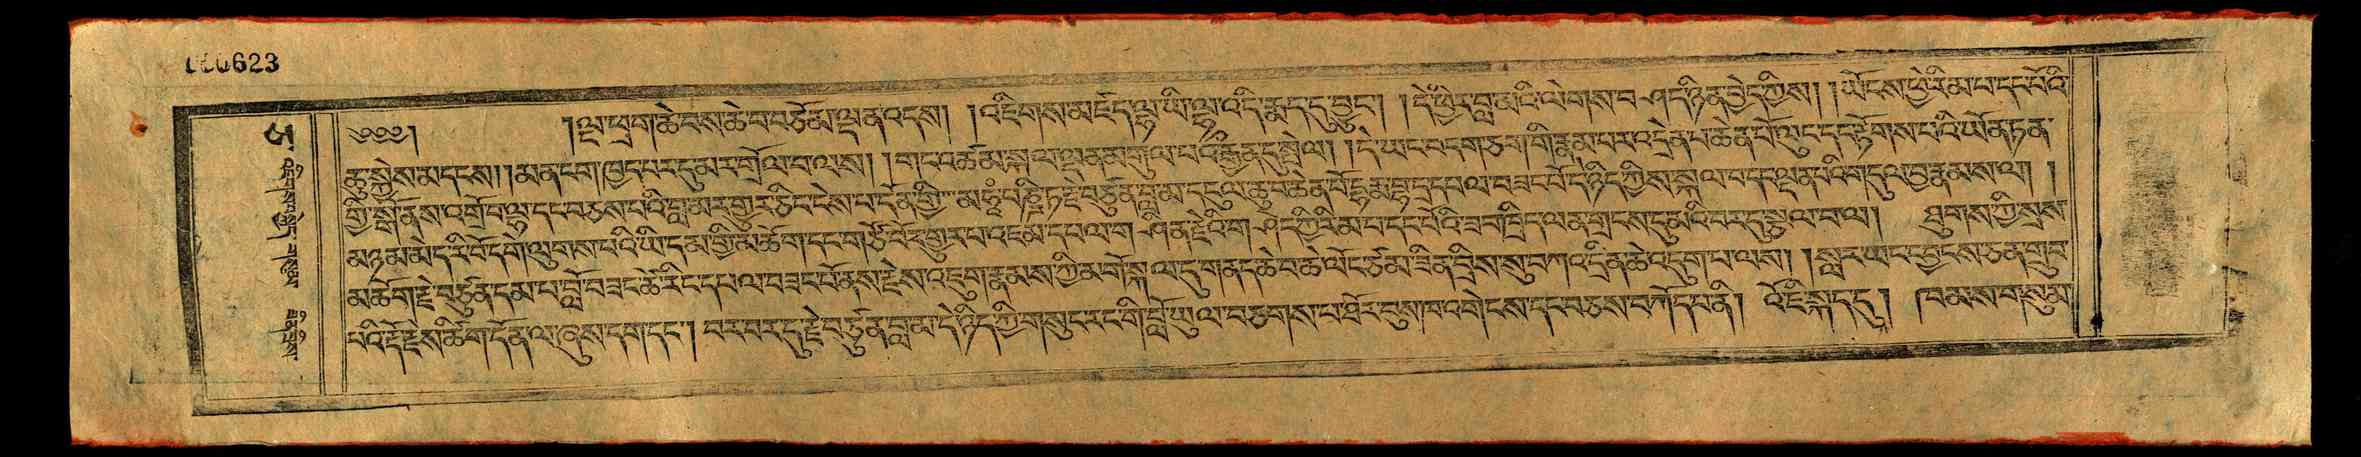༄༅། །ལྔ་ཕྲག་ཆེ་བས་ཆེ་བ་བཅོམ་ལྡན་འདས། །འཇིགས་མཛད་ལྷ་ཡེ་ལྷ་འདི་རྨད་དུ་བྱུང་། །དེ་ཕྱིར་བླ་མའི་ལེགས་བཤད་ཉིན་བྱེད་ཀྱིས། །ཡོངས་ཕྱེ་རིམ་པ་དང་པོའི་
ཆུ་སྐྱེས་མདངས། །མན་ངག་ཁྱད་པར་དུ་མར་གྲོལ་བ་ལས། །གང་འཚམ་སྐལ་ལྡན་མགུལ་པའི་རྒྱན་དུ་སྤེལ། །དེ་ཡང་བདག་ཅག་གི་རྣམ་པར་འདྲེན་པ་ཆེན་པོ་ལུང་དང་རྟོགས་པའི་ཡོན་ཏན་
གྱི་སྒོ་ནས་འགྲོ་བ་ལྷ་དང་བཅས་པའི་བླ་མར་གྱུར་ཅིང་ངེས་པ་དོན་གྱི་མཧཱཾ་པཎྜི་ཏ་རྗེ་བཙུན་བླ་མ་དངུལ་ཆུ་བ་ཆེན་པོ་དྷརྨ་བྷ་དྲ་དཔལ་བཟང་པོ་དེ་ཉིད་ཀྱིས་སྐལ་བ་དང་ལྡན་པའི་གདུལ་བྱ་རྣམས་ལ་།
མཉམ་མེད་རི་བོ་དགེ་ལུགས་པའི་ཡི་དམ་གྱི་མཆོག་དང་གཙོ་བོར་གྱུར་པ་འཇམ་དཔལ་གཤིན་རྗེའི་གཤེད་ཀྱི་རིམ་པ་དང་པོའི་ཟབ་ཁྲིད་ལན་གྲངས་དུ་མའི་བར་དུ་སྩལ་བ་ལ། །ཐུགས་ཀྱི་སྲས་
མཆོག་རྗེ་བཙུན་དམ་པ་བློ་བཟང་ཚེ་རིང་དཔལ་བཟང་པོ་ནས་རྗེས་འཇུག་རྣམས་ཀྱི་བགོ་སྐལ་དུ་གནད་ཆེ་བ་ཆེ་ལོང་ཙམ་ཟིན་བྲིས་སུ་བཀའ་དྲིན་ཆེ་འདུག་པ་ལས། སླར་ཡང་དབྱངས་ཅན་གྲུབ་
པའི་རྡོ་རྗེས་ཚིག་དོན་ལ་ཞུས་དག་དང་། བར་བར་དུ་རྗེ་བཙུན་བླ་མ་དེ་ཉིད་ཀྱི་གསུང་རང་གི་བློ་ཡུལ་བཅགས་པ་ཐོར་བུས་ཁ་འགེངས་དང་བཅས་བཀོད་པ་ནི། འོ་ཇི་སྐད་དུ། ཁམས་གསུམ་